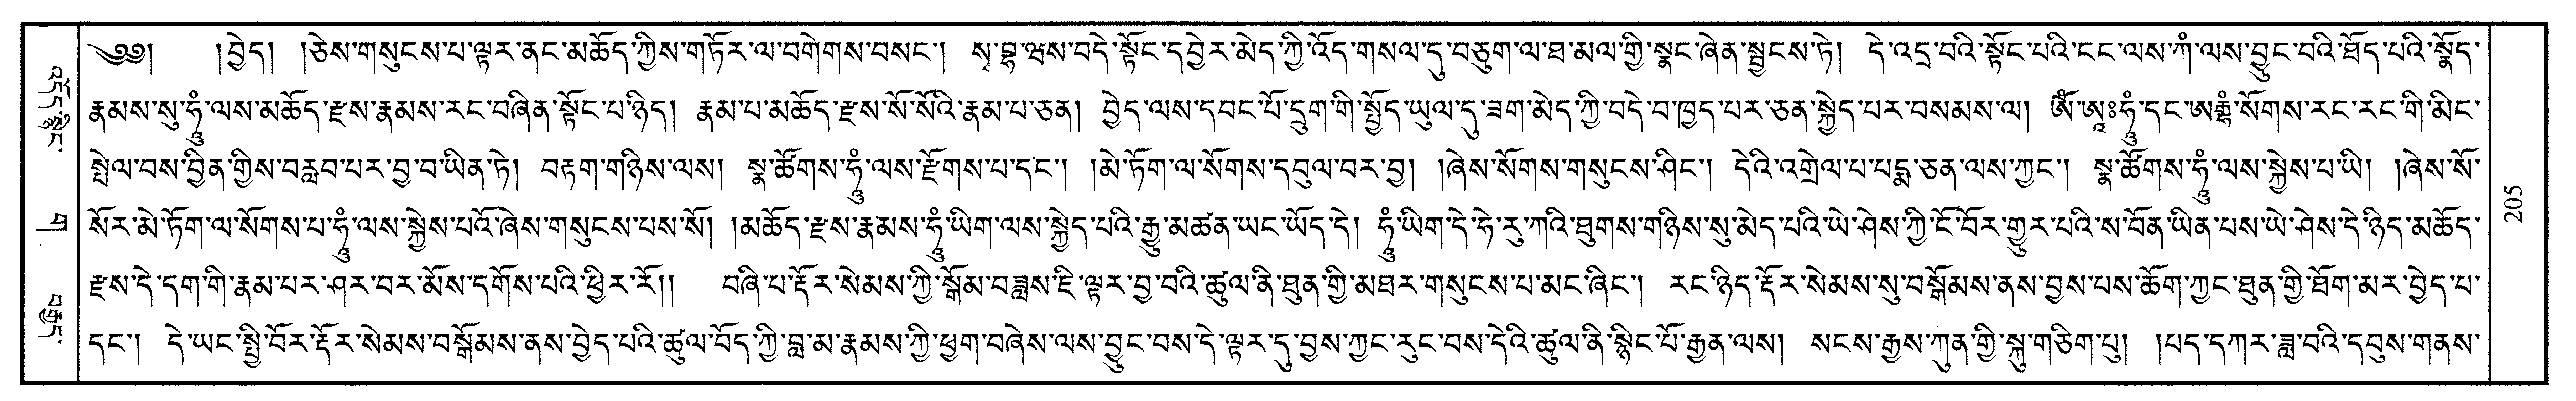༄༅། །བྱེད། །ཅེས་གསུངས་པ་ལྟར་ནང་མཆོད་ཀྱིས་གཏོར་ལ་བགེགས་བསང་། སྭ་བྷ་ཝས་བདེ་སྟོང་དབྱེར་མེད་ཀྱི་འོད་གསལ་དུ་བཅུག་ལ་ཐ་མལ་གྱི་སྣང་ཞེན་སྦྱངས་ཏེ། དེ་འདྲ་བའི་སྟོང་པའི་ངང་ལས་ཀཾ་ལས་བྱུང་བའི་ཐོད་པའི་སྣོད་
རྣམས་སུ་ཧཱུཾ་ལས་མཆོད་རྫས་རྣམས་རང་བཞིན་སྟོང་པ་ཉིད། རྣམ་པ་མཆོད་རྫས་སོ་སོའི་རྣམ་པ་ཅན། བྱེད་ལས་དབང་པོ་དྲུག་གི་སྤྱོད་ཡུལ་དུ་ཟག་མེད་ཀྱི་བདེ་བ་ཁྱད་པར་ཅན་སྐྱེད་པར་བསམས་ལ། ཨོཾ་ཨཱཿ ཧཱུཾ་དང་ཨརྒྷཾ་སོགས་རང་རང་གི་མིང་
སྤེལ་བས་བྱིན་གྱིས་བརླབ་པར་བྱ་བ་ཡིན་ཏེ། བརྟག་གཉིས་ལས། སྣ་ཚོགས་ཧཱུཾ་ལས་རྫོགས་པ་དང་། །མེ་ཏོག་ལ་སོགས་དབུལ་བར་བྱ། །ཞེས་སོགས་གསུངས་ཤིང་། དེའི་འགྲེལ་པ་པདམ་ཅན་ལས་ཀྱང་། སྣ་ཚོགས་ཧཱུཾ་ལས་སྐྱེས་པ་ཡི། །ཞེས་སོ་
སོར་མེ་ཏོག་ལ་སོགས་པ་ཧཱུཾ་ལས་སྐྱེས་པའོ་ཞེས་གསུངས་པས་སོ། །མཆོད་རྫས་རྣམས་ཧཱུཾ་ཡིག་ལས་སྐྱེད་པའི་རྒྱུ་མཚན་ཡང་ཡོད་དེ། ཧཱུཾ་ཡིག་དེ་ཧེ་རུ་ཀའི་ཐུགས་གཉིས་སུ་མེད་པའི་ཡེ་ཤེས་ཀྱི་ངོ་བོར་གྱུར་པའི་ས་བོན་ཡིན་པས་ཡེ་ཤེས་དེ་ཉིད་མཆོད་
རྫས་དེ་དག་གི་རྣམ་པར་ཤར་བར་མོས་དགོས་པའི་ཕྱིར་རོ།། བཞི་པ་རྡོར་སེམས་ཀྱི་སྒོམ་བཟླས་ཇི་ལྟར་བྱ་བའི་ཚུལ་ནི་ཐུན་གྱི་མཐར་གསུངས་པ་མང་ཞིང་། རང་ཉིད་རྡོར་སེམས་སུ་བསྒོམས་ནས་བྱས་པས་ཆོག་ཀྱང་ཐུན་གྱི་ཐོག་མར་བྱེད་པ་
དང་། དེ་ཡང་སྤྱི་བོར་རྡོར་སེམས་བསྒོམས་ནས་བྱེད་པའི་ཚུལ་བོད་ཀྱི་བླ་མ་རྣམས་ཀྱི་ཕྱག་བཞེས་ལས་བྱུང་བས་དེ་ལྟར་དུ་བྱས་ཀྱང་རུང་བས་དེའི་ཚུལ་ནི་སྙིང་པོ་རྒྱན་ལས། སངས་རྒྱས་ཀུན་གྱི་སྐུ་གཅིག་པུ། །པད་དཀར་ཟླ་བའི་དབུས་གནས་